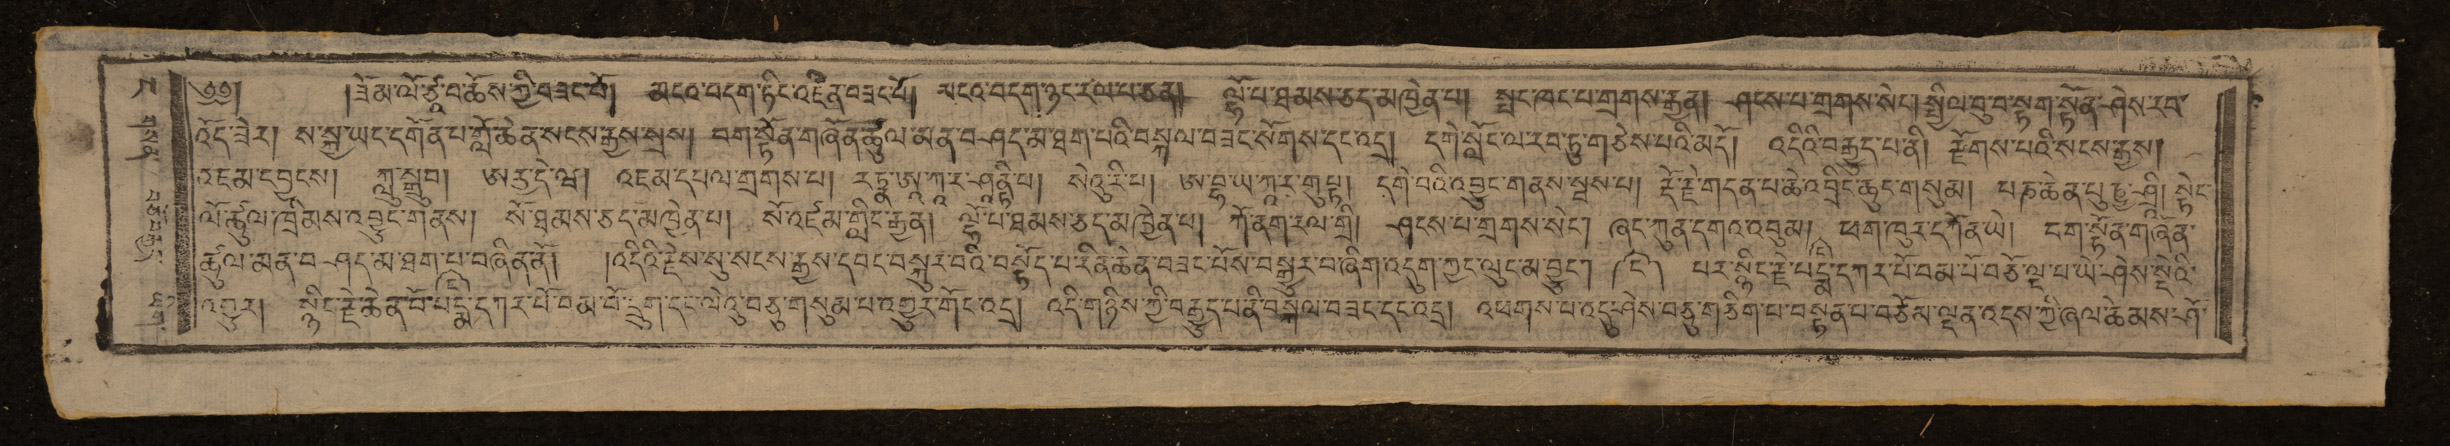༄༅། །ཟོམ་ལོ་ཙཱ་བ་ཆོས་ཀྱི་བཟང་པོ། མངའ་བདག་ཏིང་འཛིན་བཟང་པོ། མངའ་བདག་ཉར་རལ་པ་ཅན། ལྷོ་པ་ཐམས་ཅད་མཁྱེན་པ། སྤང་ཁང་པ་གྲགས་རྒྱན། ཤངས་པ་གྲགས་སེང་། སྤྱིལ་བུ་བསྟག་སྟོན་ཤེས་རབ་
འོད་ཟེར། ས་སྐྱ་ཡང་དགོན་པ་གློ་ཆེན་སངས་རྒྱས་སྲས། བག་སྟོན་གཞོན་ཚུལ་མན་བཤད་མ་ཐག་པའི་བསྐལ་བཟང་སོགས་དང་འདྲ། དགེ་སློང་ལ་རབ་ཏུ་གཅེས་པའི་མདོ། འདིའི་བརྒྱུད་པ་ནི། རྫོགས་པའི་སངས་རྒྱས།
འཇམ་དབྱངས། ཀླུ་སྒྲུབ། ཨ་རྱ་དེ་ཝ། འཇམ་དཔལ་གྲགས་པ། རཏྣ་ཨཱ་ཀཱ་ར་ཤཱ་ནྟི་པ། སེའུ་རི་པ། ཨ་བྷ་ཡ་ཀཱ་ར་གུཔྟ། དགེ་བའི་འབྱུང་གནས་སྦས་པ། རྡོ་རྗེ་གདན་པ་ཆེ་འབྲིང་ཆུང་གསུམ། པཎ་ཆེན་པ?་ཤྲའི། སྟེང་
ལོ་ཚུལ་ཁྲིམས་འབྱུང་གནས། ས་ཐམས་ཅད་མཁྱེན་པ། སོ་འཛམ་གླིང་རྒྱན། ལྷོ་པ་ཐམས་ཅད་མཁྱེན་པ། ཀོ་ནག་རལ་གྲི། ཤངས་པ་གྲགས་སེང་། ཞང་ཀུན་དགའ་འབུམ། ཕག་ཁུར་དཀོན་ཡེ། བག་སྟོན་གཞོན་
ཚུལ་མན་བཤད་མ་ཐག་པ་བཞིན་ནོ། །འདིའི་རྗེས་སུ་སངས་རྒྱས་དབང་བསྐུར་བའི་བསྟོད་པ་རིན་ཆེན་བཟང་པོས་བསྒྱུར་བ་ཞིག་འདུག་ཀྱང་ལུང་མ་བྱུང་། {ང}་པར་སྙིང་རྗེ་པདམ་དཀར་པོ་བམ་པོ་བཅོ་ལྔ་པ་ཡེ་ཤེས་སྡེའི་
འགྱུར། སྙིང་རྗེ་ཆེན་པོ་པདམ་དཀར་པོ་བམ་པོ་དྲུག་དང་ལེའུ་བཅུ་གསུམ་པ་འགྱུར་གོང་འདྲ། འདི་གཉིས་ཀྱི་བརྒྱུད་པ་ནི་བསྐལ་བཟང་དང་འདྲ། འཕགས་པ་འདུ་ཤེས་བཅུ་གཅིག་པ་བསྟན་པ་བཅོམ་ལྡན་འདས་ཀྱི་ཞལ་ཆེམས་ཤོ་